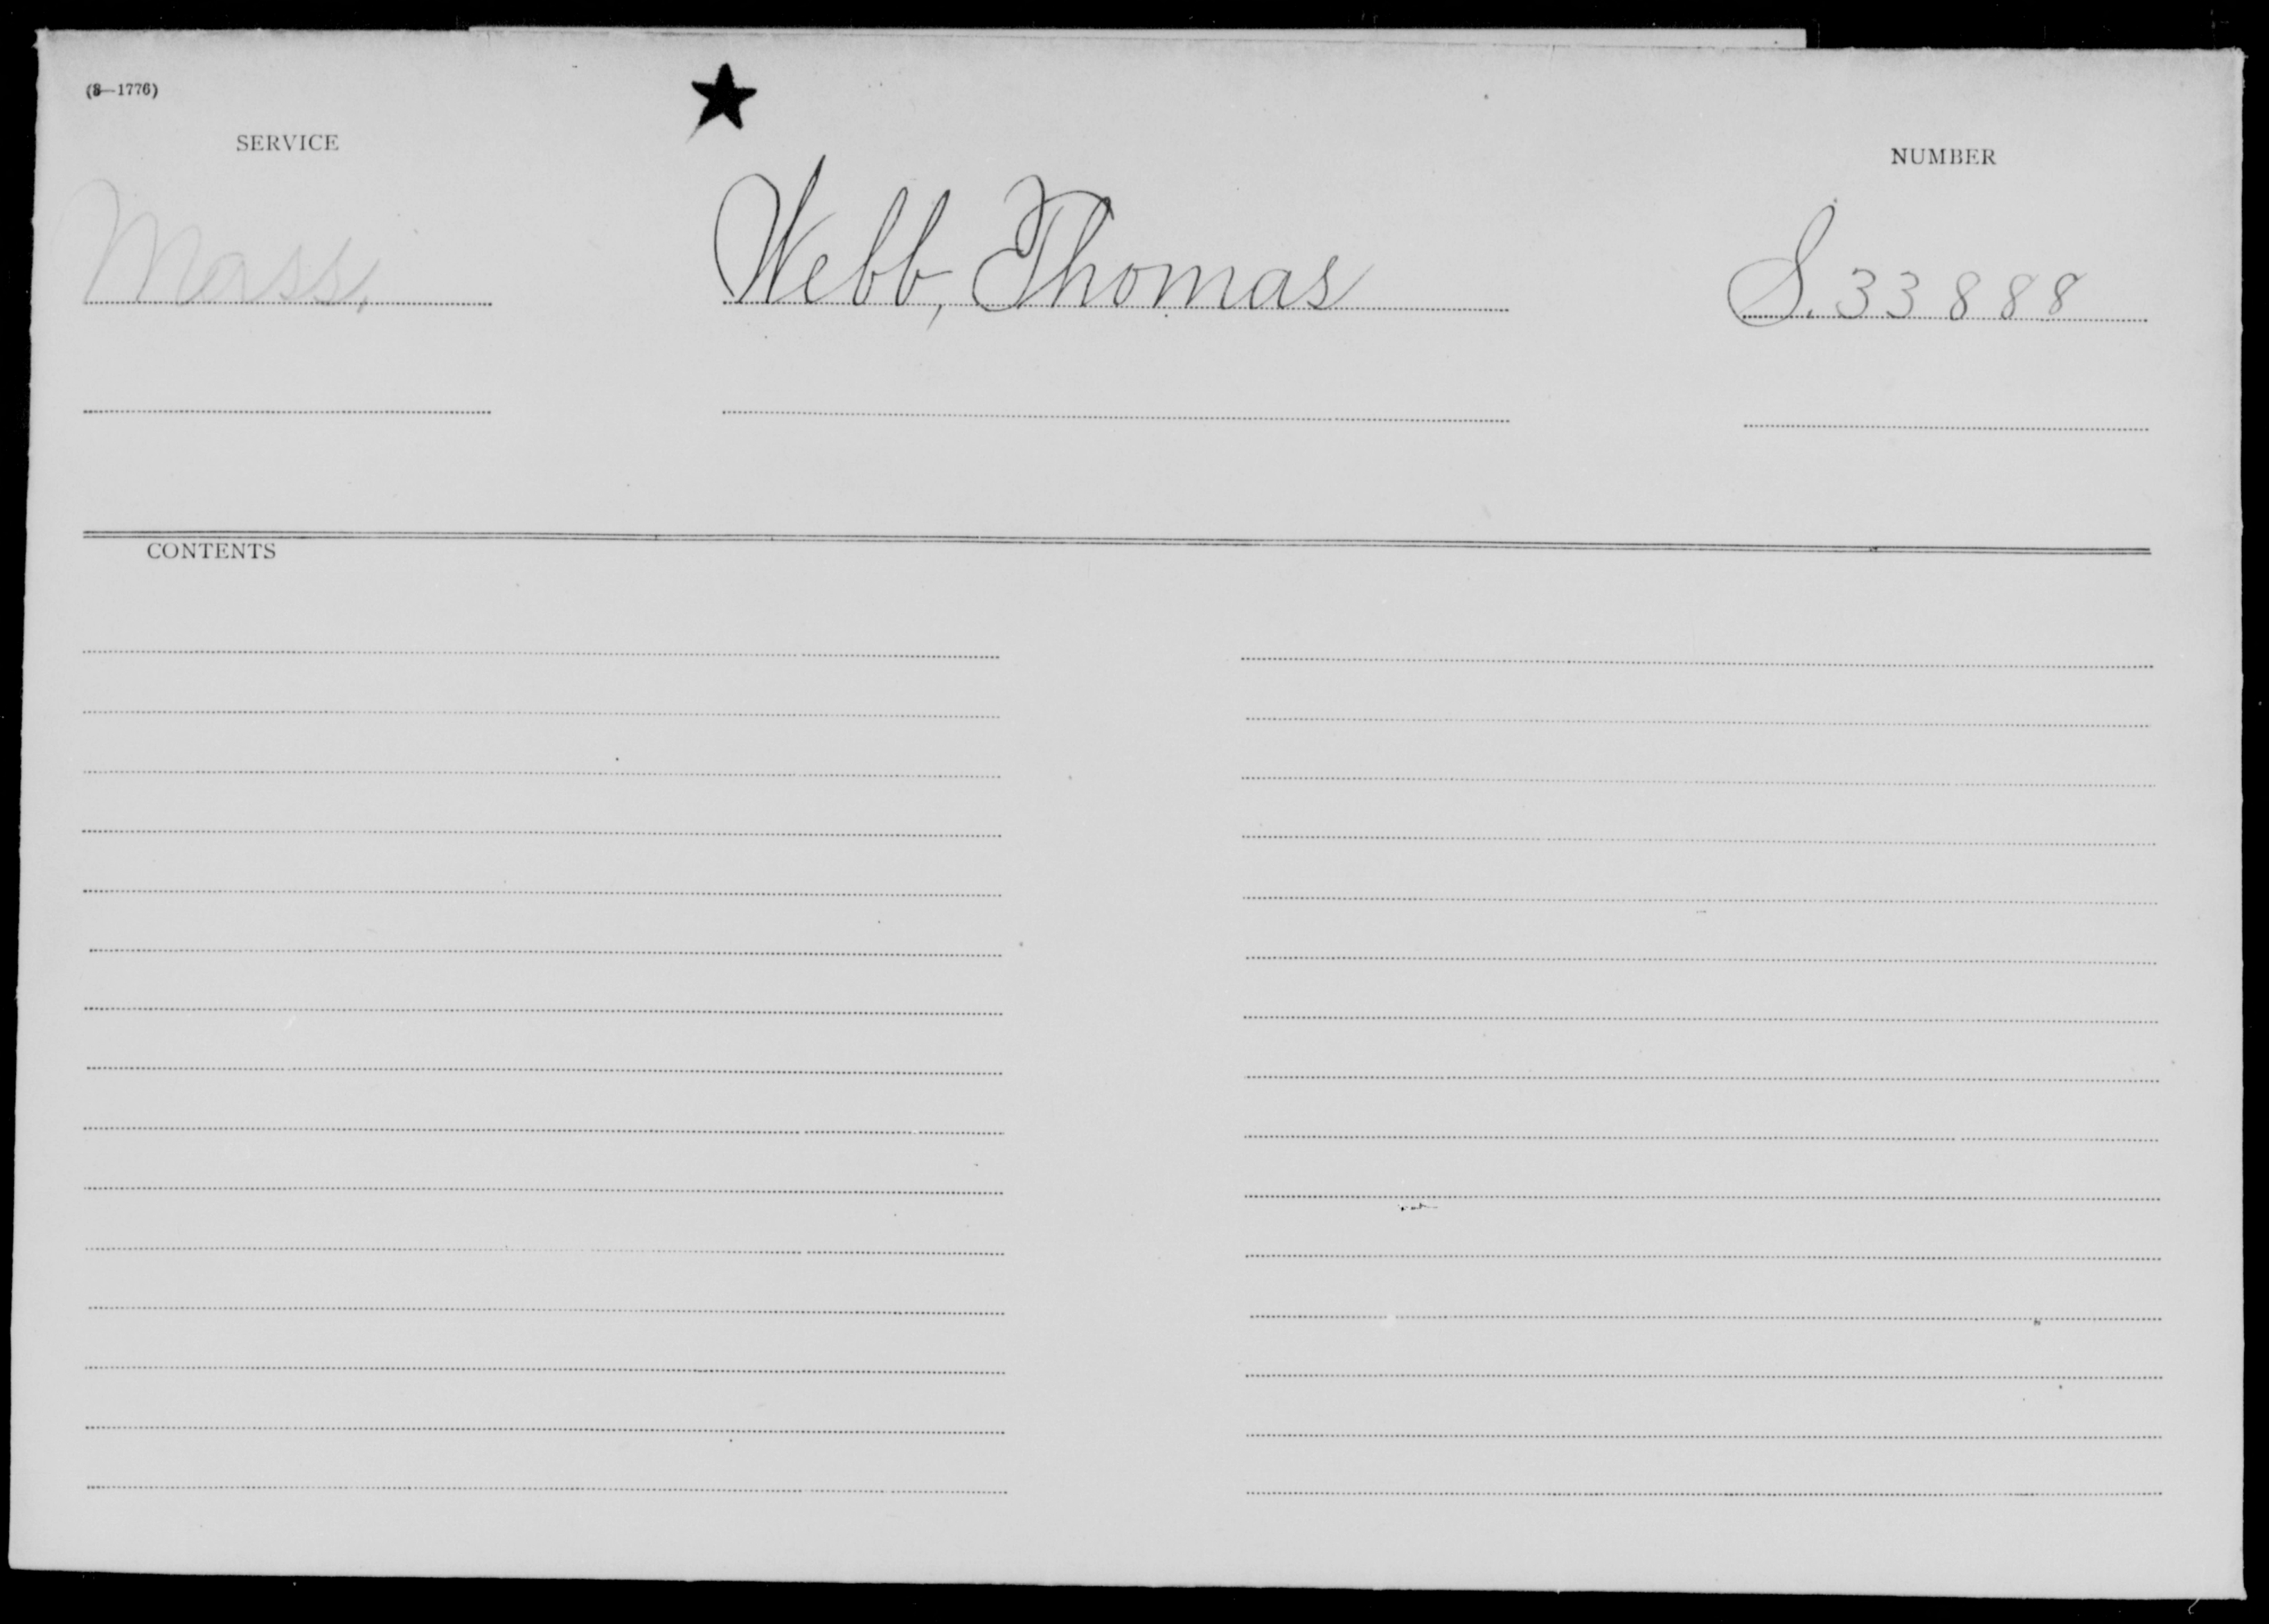{Star} 
Webb, Thomas
Service Mass.
Number S. 33888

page: 1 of 14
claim: survivor's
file: S. 33888, Thomas Webb, Mass.